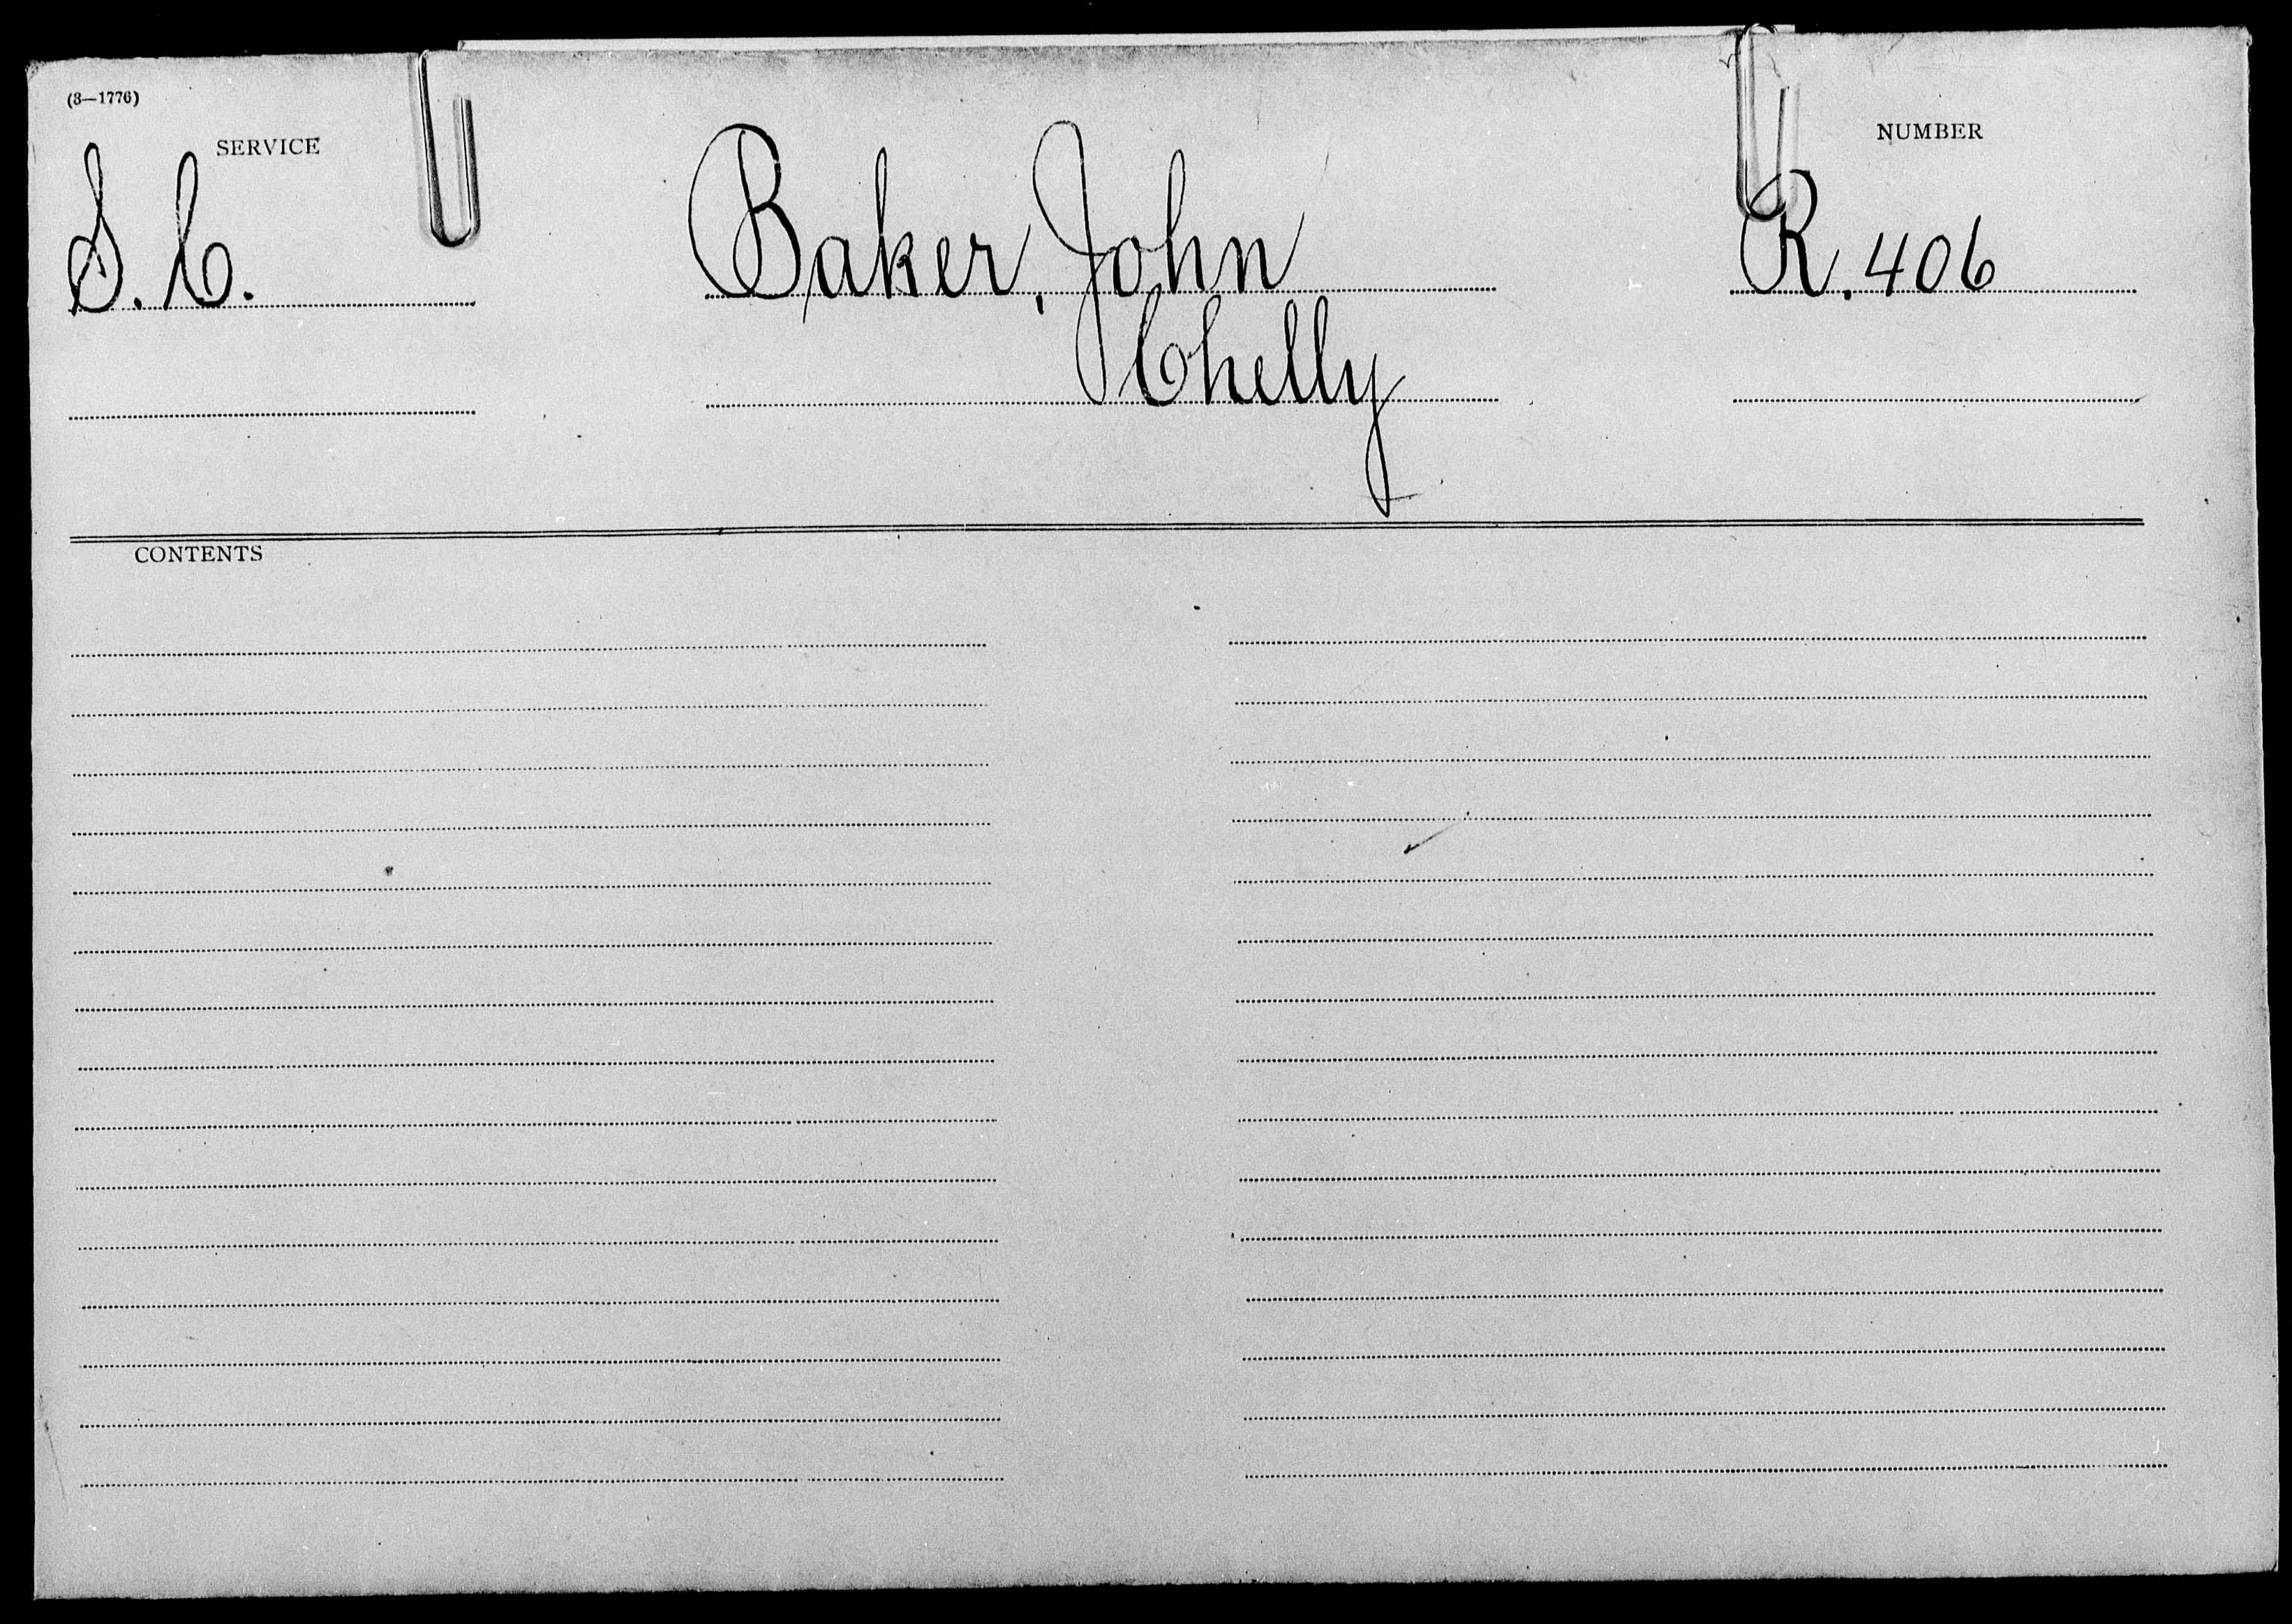(3-1776)
SERVICE
S.C.
Baker, John
Chelly
NUMBER
R.406
CONTENTS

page: 1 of 27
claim: rejected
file: R. 406, John Baker, S.C.